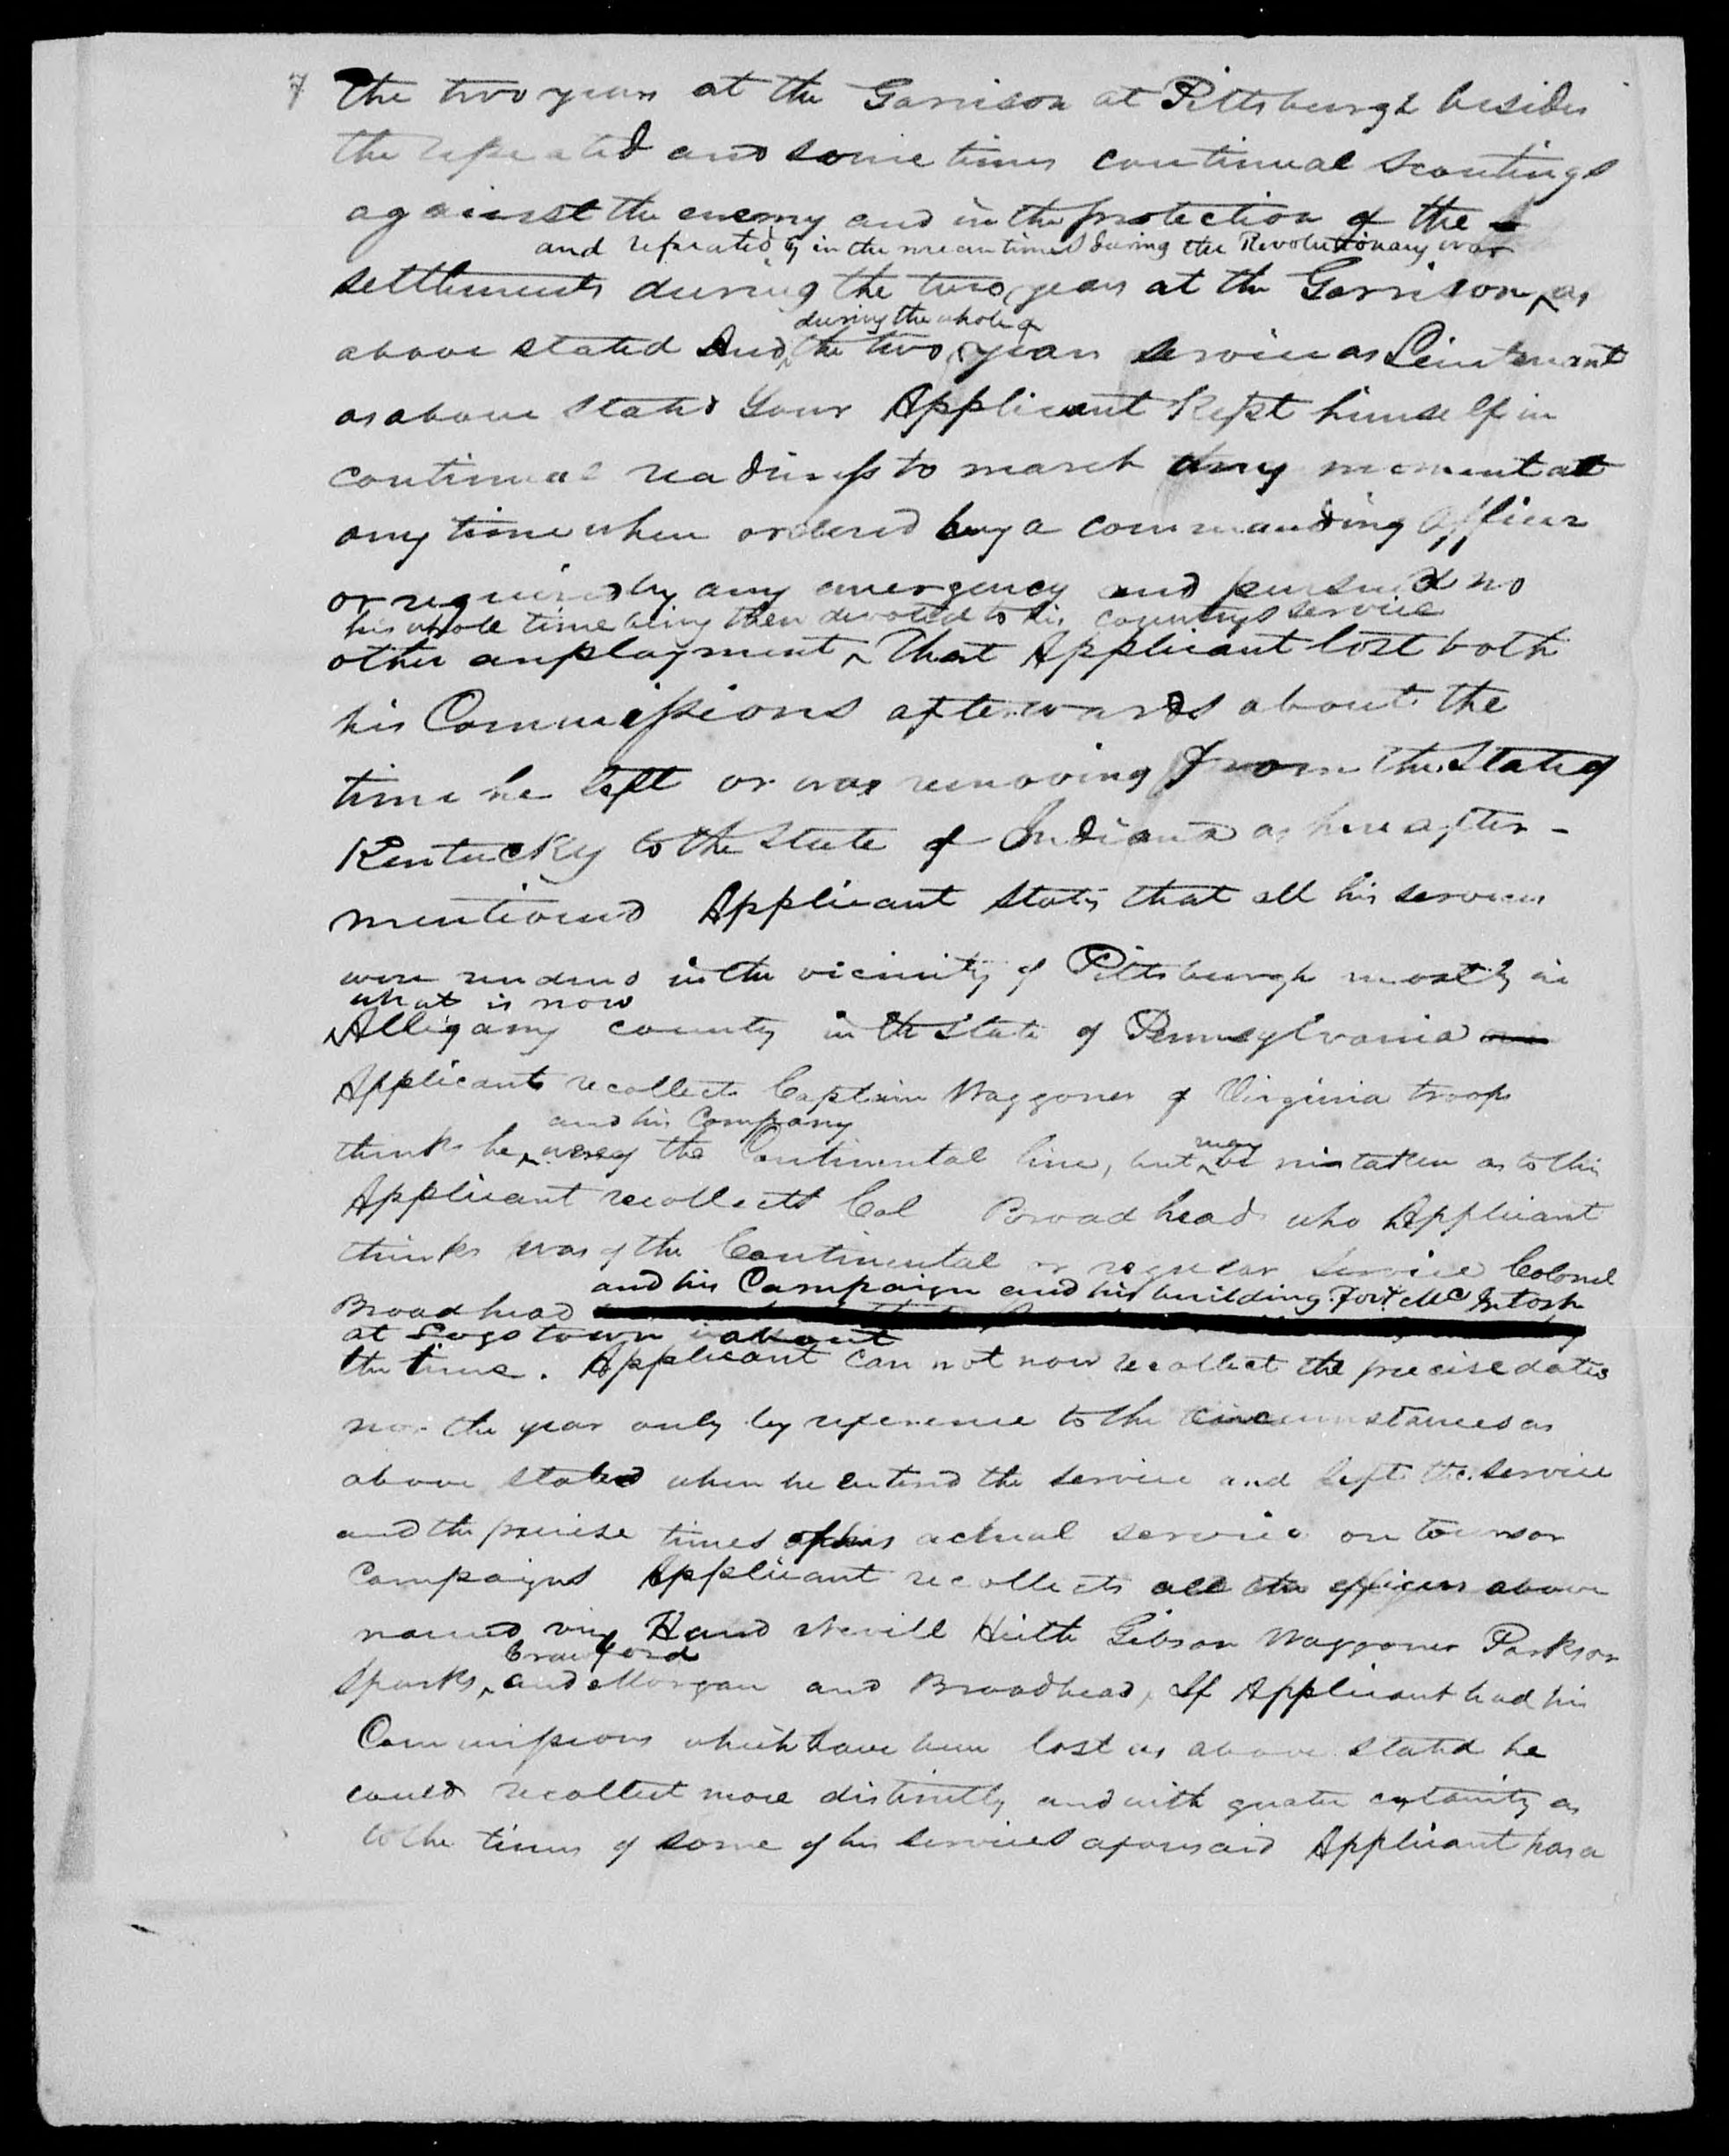7
the two years at the Garrison at Pittsburgh besides the repeated and some times continual scoutings against the enemy and in the protection of the settlements during the two years at the Garrison and repeatedly in the mean time during the Revolutionary war as
above stated And during the whole of the two years service as Lieutenant as above stated your Applicant kept himself in continual readiness to march any moment at any time when ordered by a commanding Officer
or required by any emergency and pursued no
other employment his whole time being then devoted to his country's service that applicant lost both his Commission afterwards about the
time he left or was removing from the State of
Kentucky to the State of Indiana as hereafter
mentioned Applicant states that all his services
were rendered in the vicinity of Pittsburgh mostly in what is now Allegany County in the State of Pennsylvania
Applicant recollects Captain Waggoner of Virginia troops thinks he ^ and his Company
were of the Continental line, but may be mistaken as to this
Applicant recollects Col Broadhead who Applicant thinks was of the Continental or regular Service Colonel Broadhead
and his Campaign and his building Fort McIntosh at Logstown about the time. 
Applicant can not now recollect the precise dates
nor the year only by reference to the circumstances as above stated when he entered the service and left the service and the precise time of his actual service on tours or campaigns.  Applicant recollects all in officers above named viz. Hand Nevill Heith Gibson Waggoner Parkson Sparks Crawford and Morgan and Broadhead, If Applicant had his Commissions which have been lost as above stated he could recollect more distinctly and with greater certainty as to the times of some of his services aforesaid Applicant has a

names: Morgan, Broadhead, Nevill, Waggoner, Hand, Broadhead, Sparks, Broadhead, Heith, Waggoner, Gibson, Parkson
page: 10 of 36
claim: survivor's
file: S. 31,718, James Guffey, Penn.